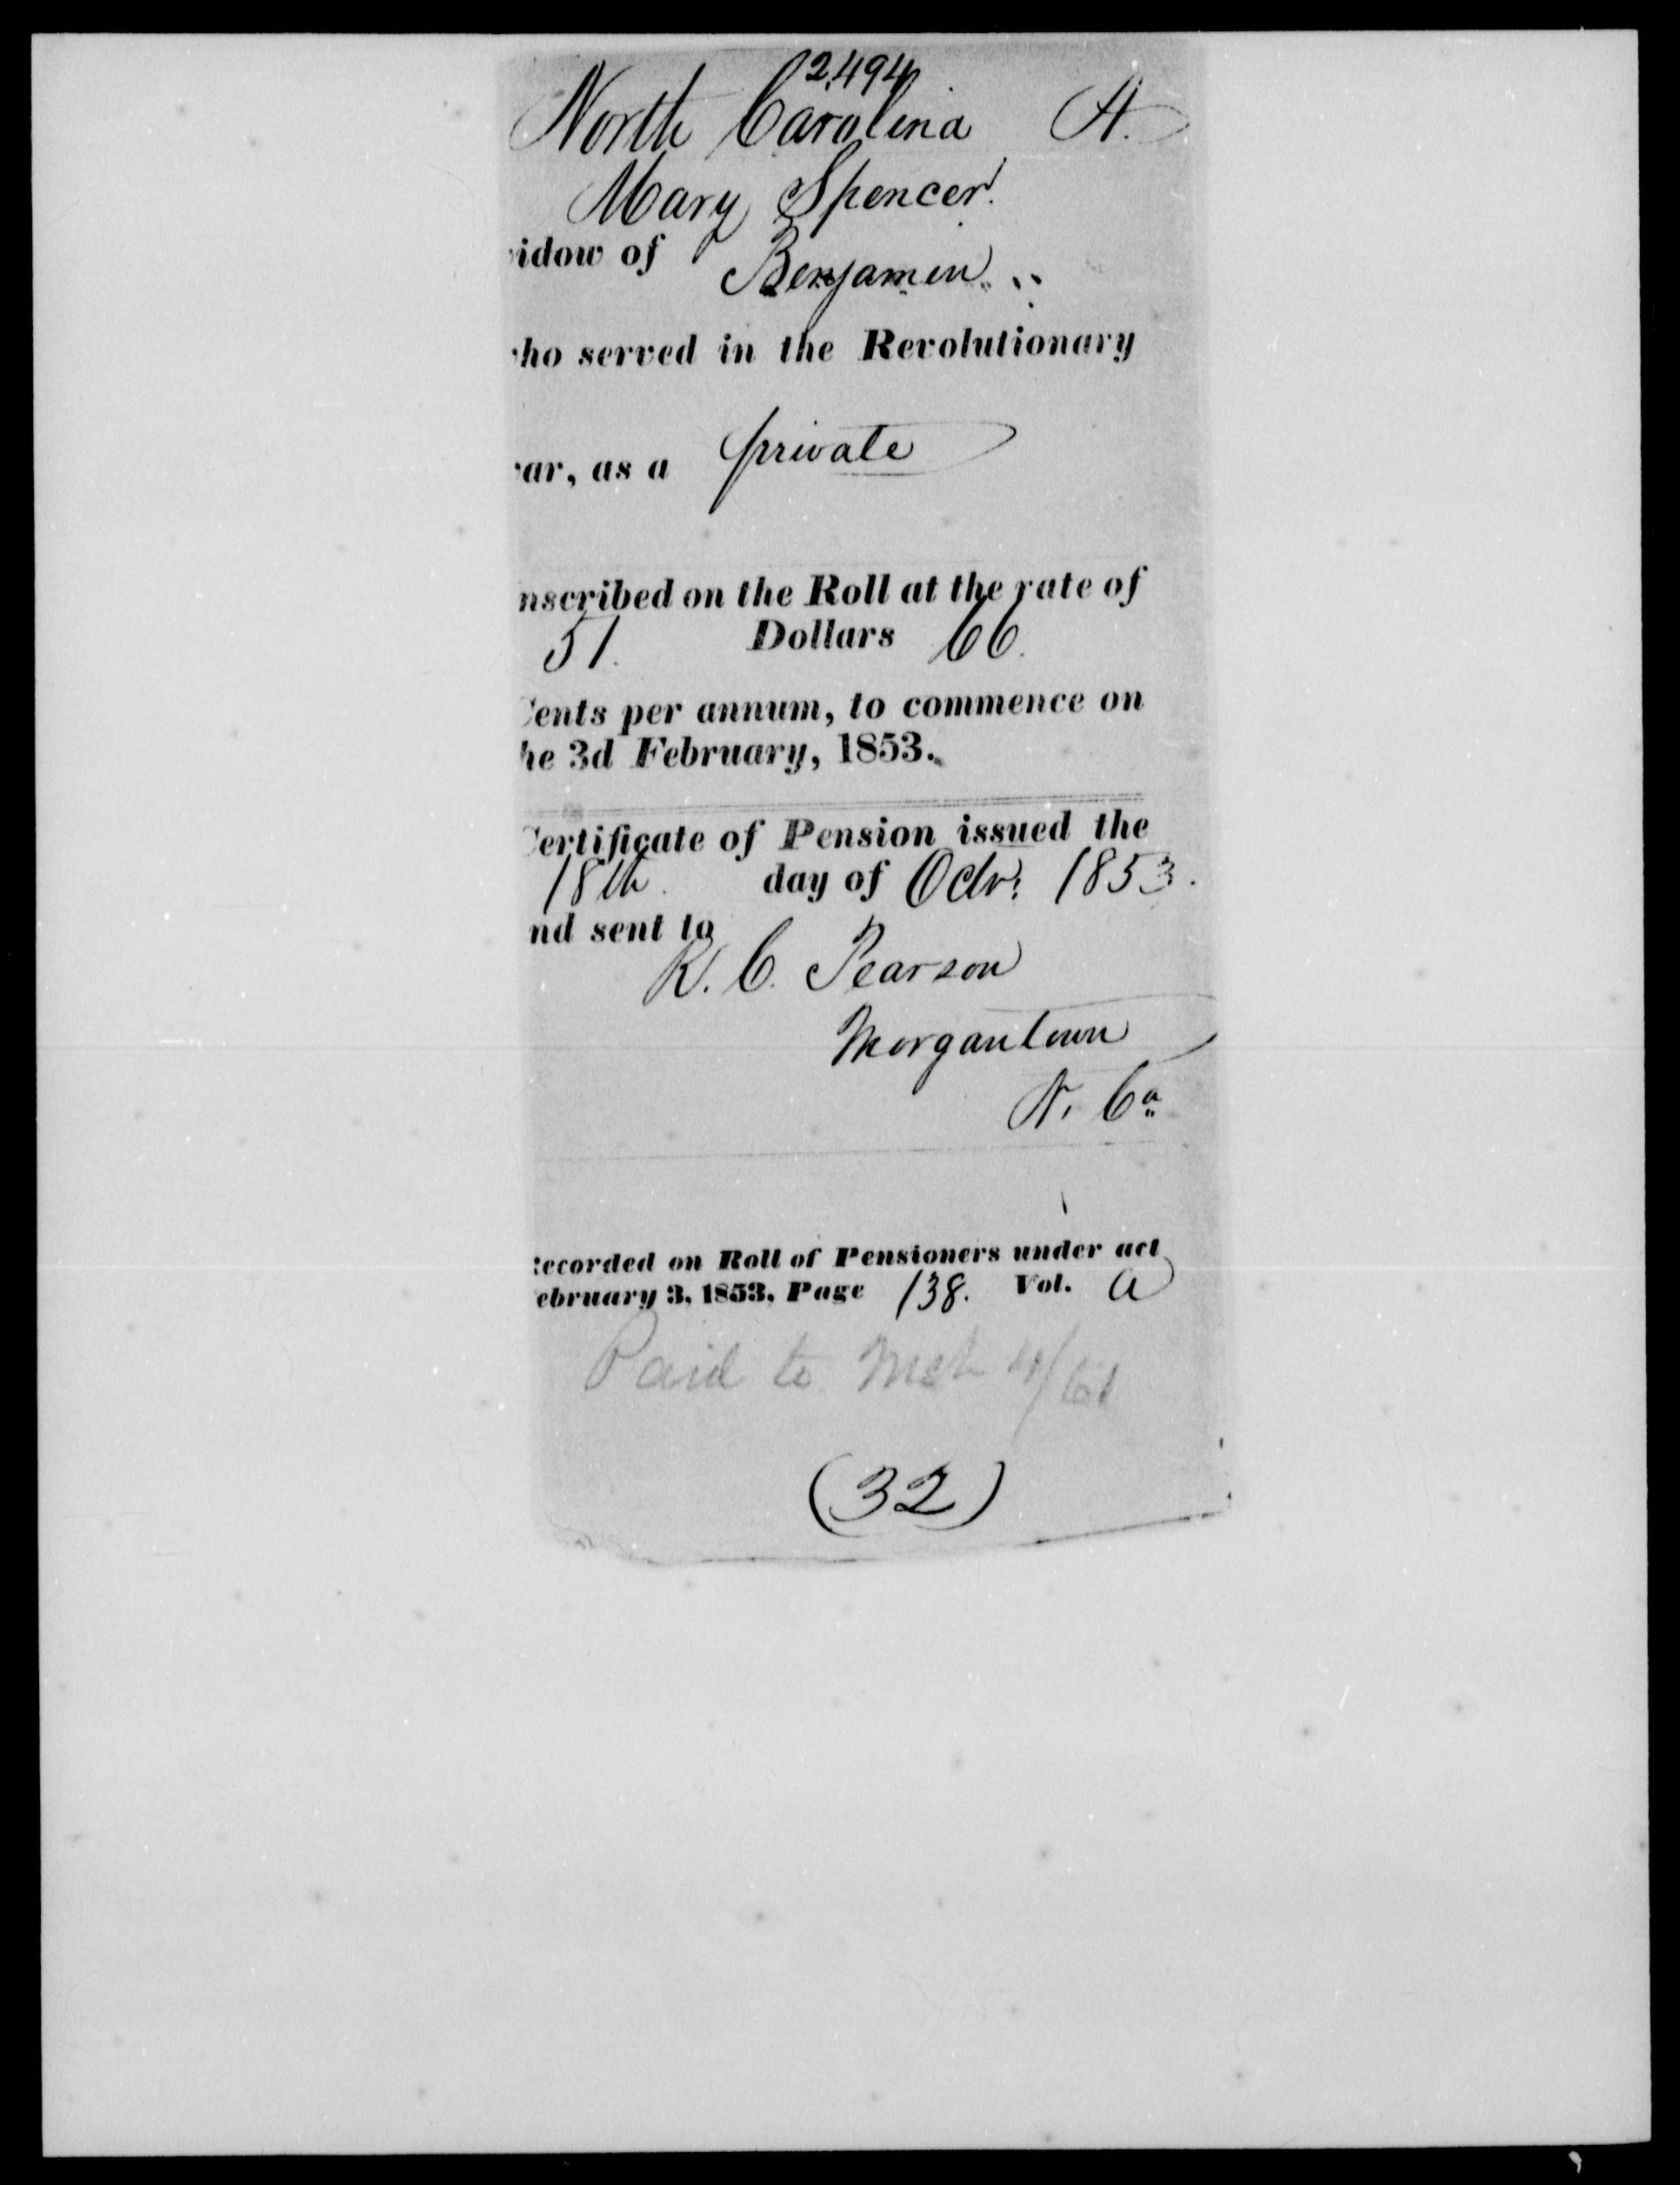2494
North Carolina
H.
Mary Spencer
widow of
Benjamin
who served in the Revolutionary
war as a private
Inscribed on the Roll at the rate of
51 Dollars 66 
Cents per annum, to commence on
he 3d February, 1853.
---
Certificate of Pension issued the
18th
day of Octo. 1853
and sent toR.C. Pearson
Morgantown
N. C.
Recorded on Roll of Pensioners under act
February 3, 1853, Page 138. Vol. A
Paid to Mch 4/61
(32)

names: Mary Spencer; R C Pearson; Benjamin Spencer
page: 63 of 63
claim: widow's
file: W. 6158, for Benjamin Spencer, North Carolina